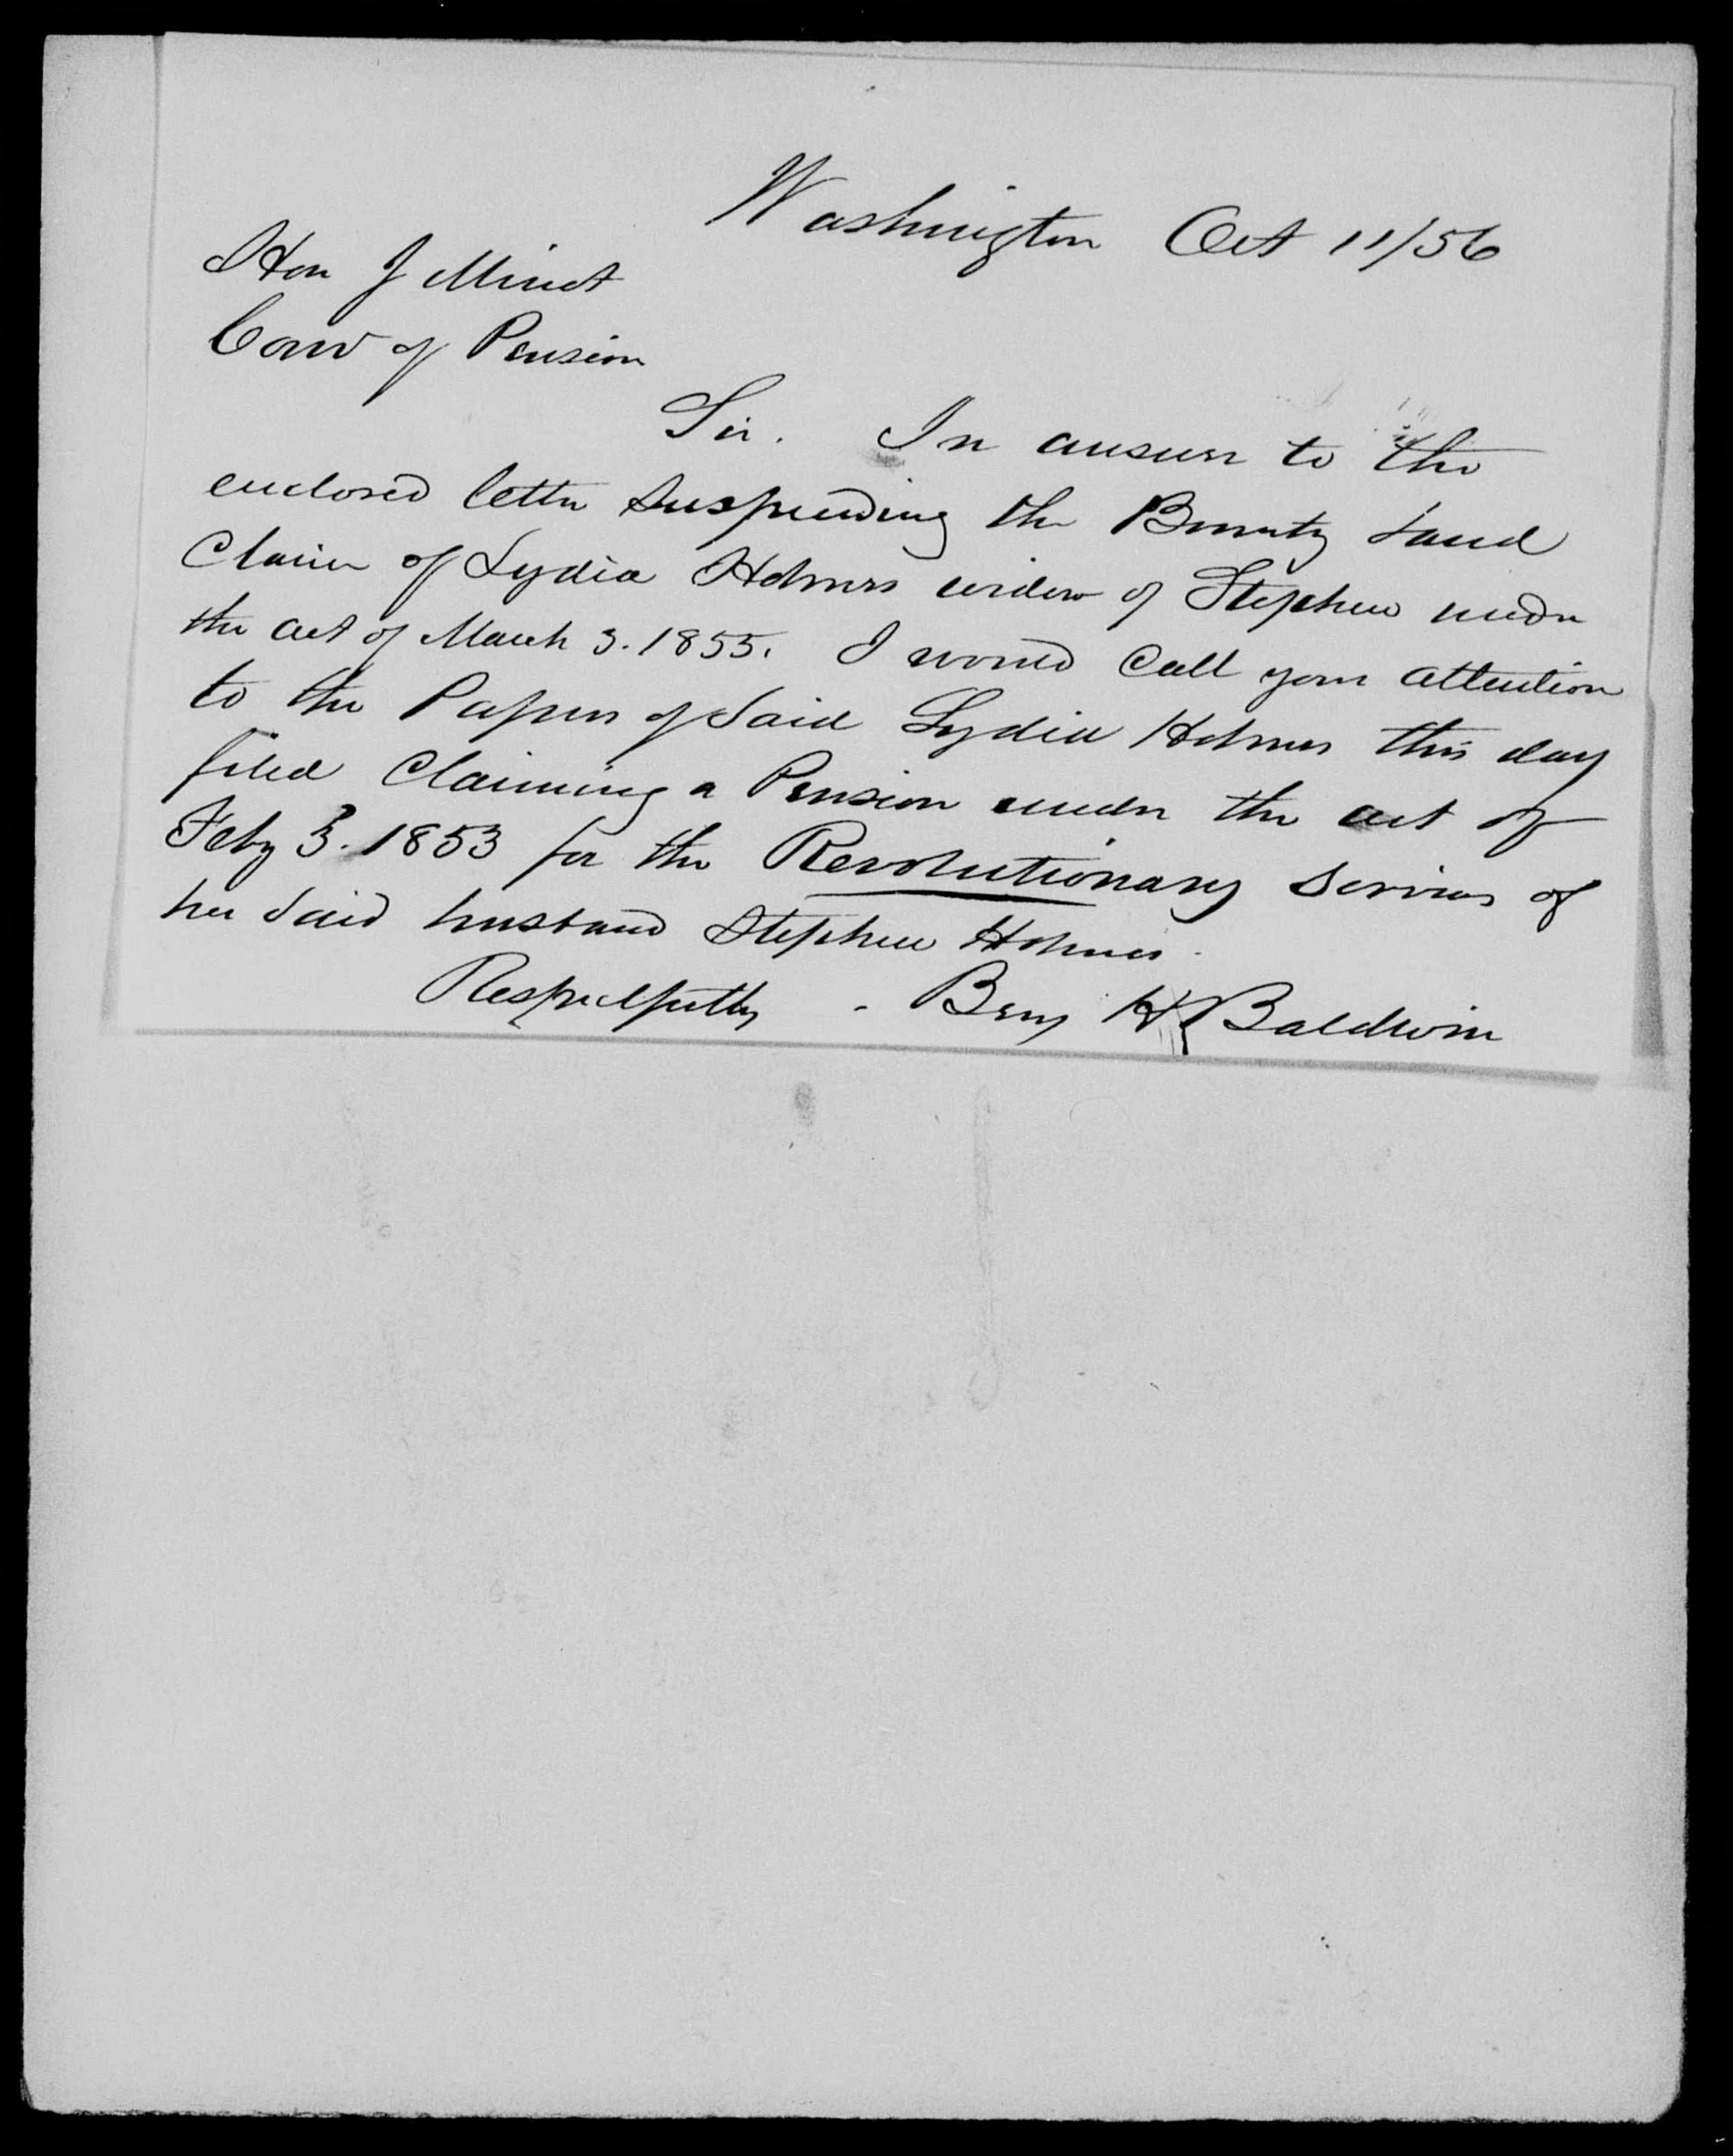Washington Oct 11/56

Hon J [illegible]
Court of Pension

Sir. In answer to the enclosed letter suspending the Bounty Land Claim of Lydia Holmes widow of Stephen under the Act of March 3 1855, I would call your attention to the Paper of said Lydia Holmes this day filed claiming a Pension under the Act of July 3 1853 for the Revolutionary Service of her said husband Stephen Holmes

Respectfully
Benj H Baldwin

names: J Minot, Lydia Holmes, Lydia Holmes, Benj H Baldwin, Stephen Holmes, Stephen Holmes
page: 29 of 72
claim: widow's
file: W. 7771, Stephen Holmes, Vt.